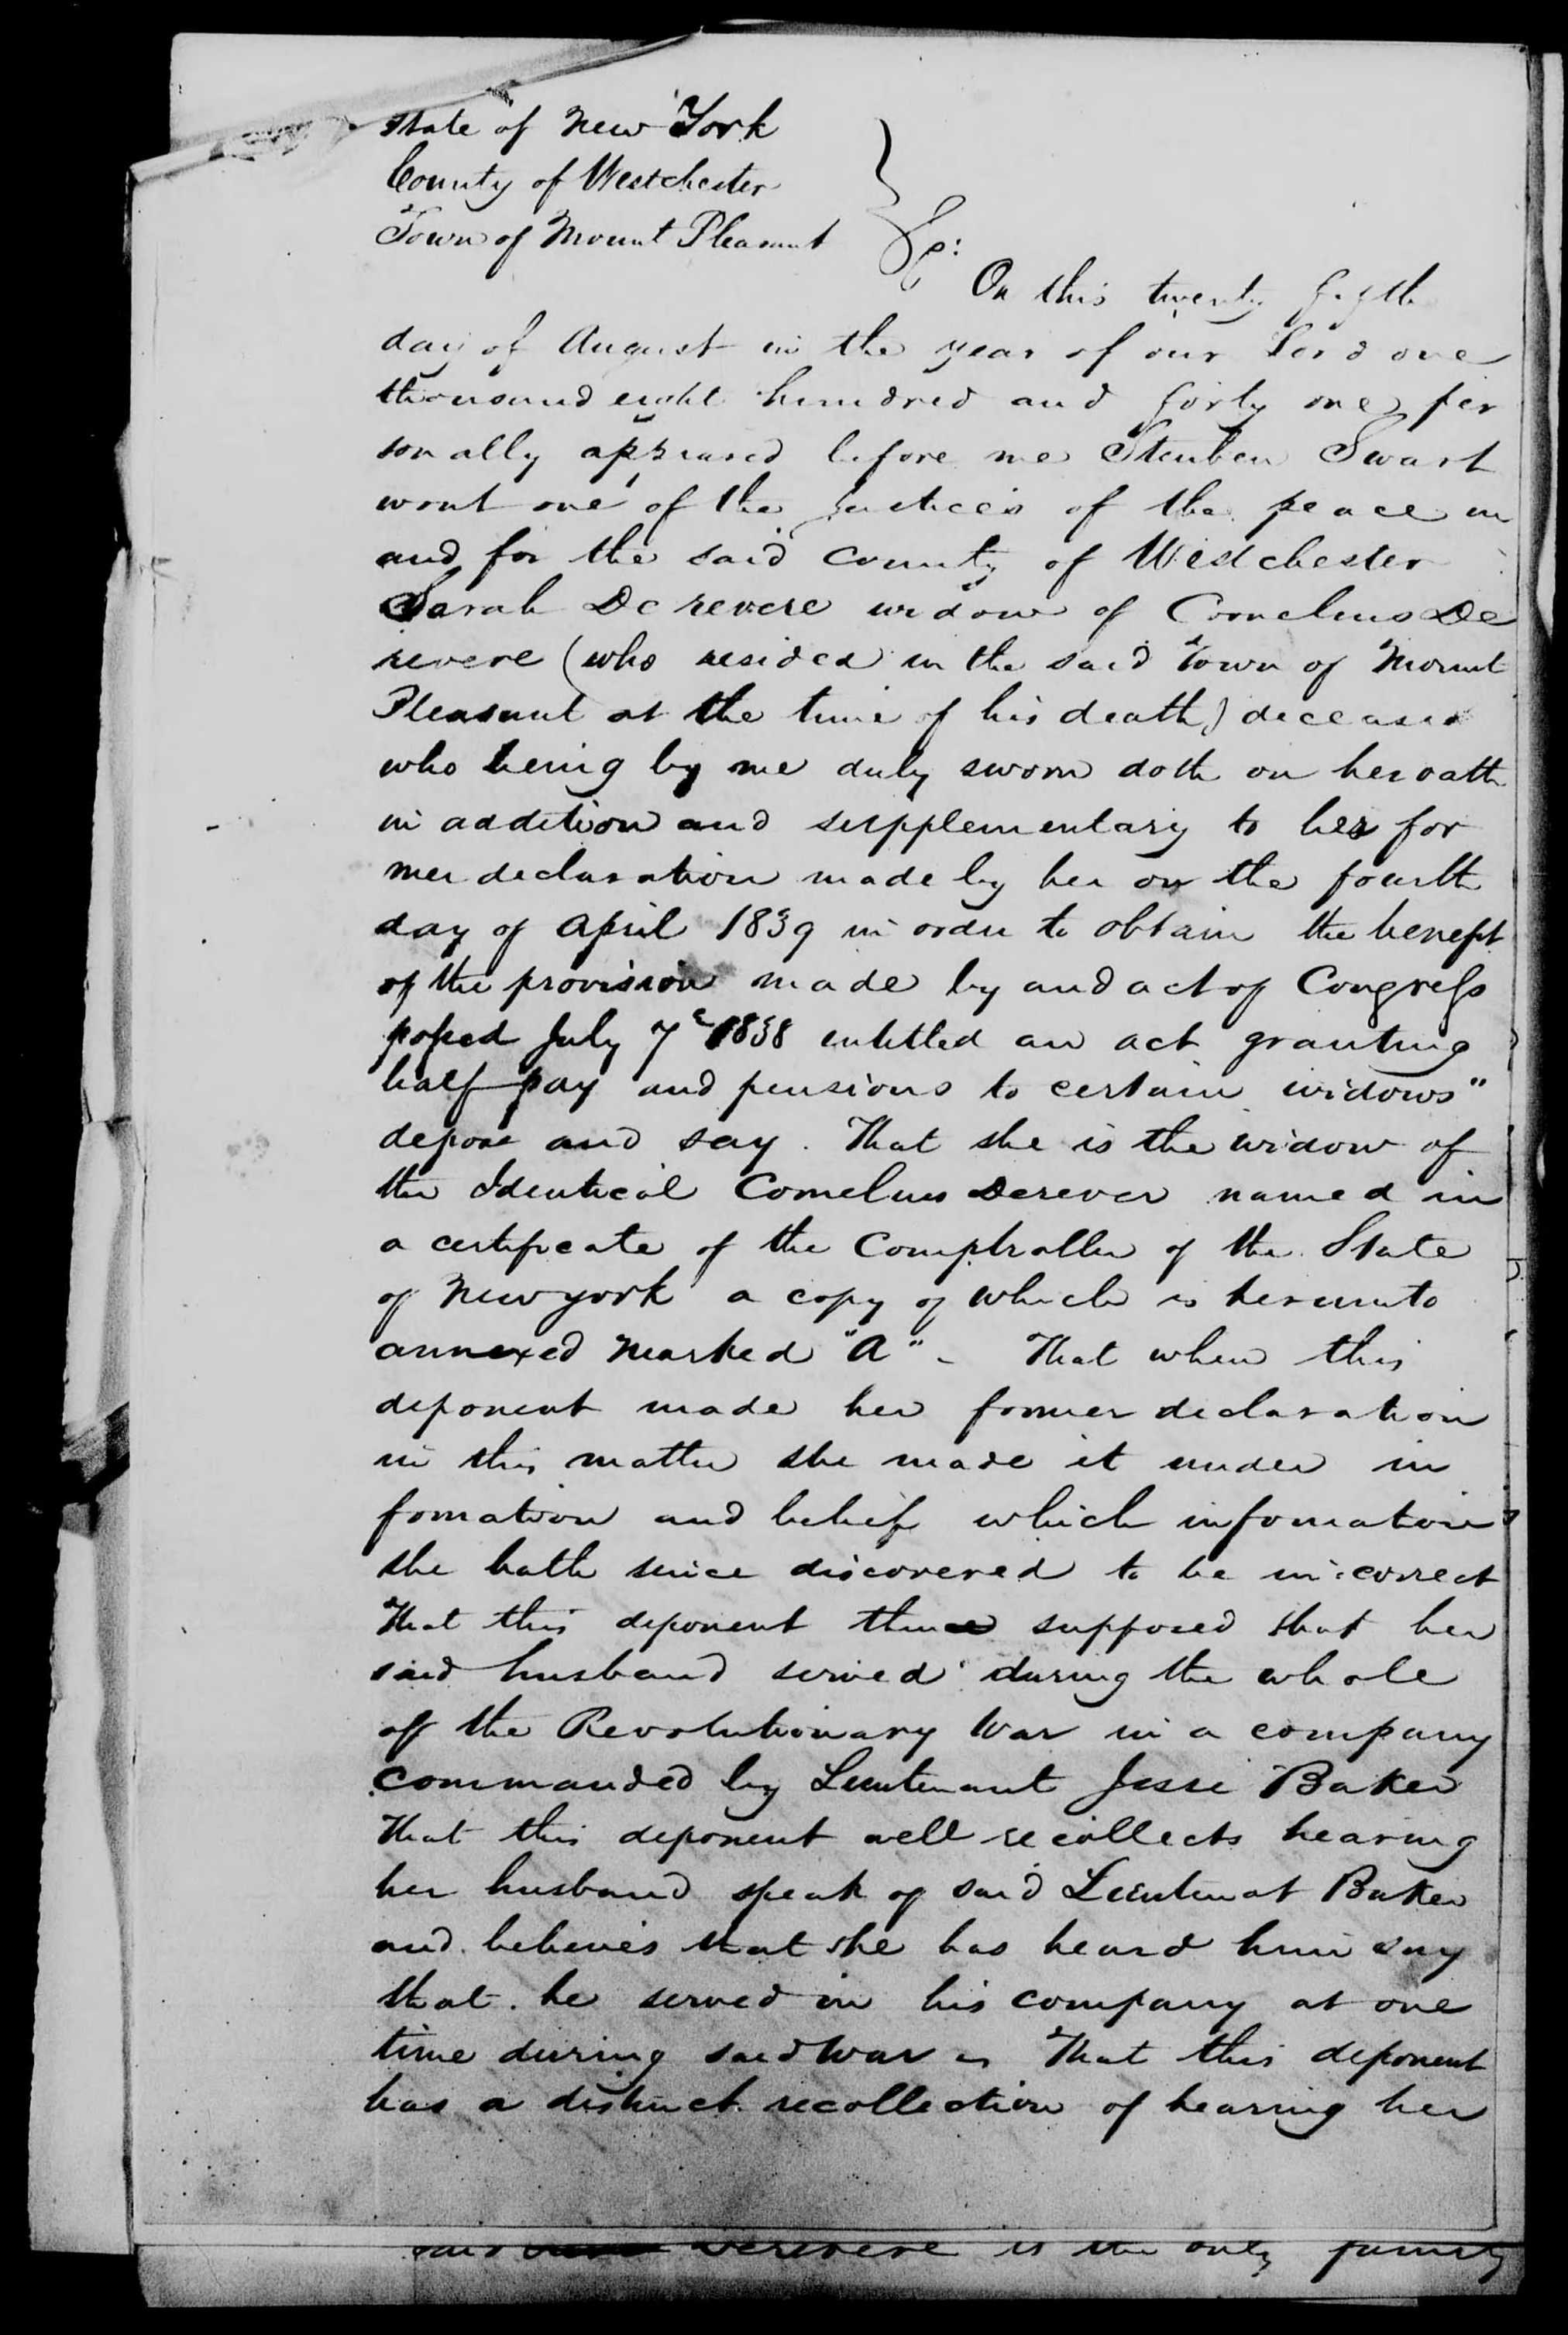State of New York
County of Westchester
Town of Mount Pleasant} ss:

On this twenty fifth day of August in the year of our Lord one thousand eight hundred and forty one personally appeared before me Steuben Swartwout one of the Justices of the peace in and for the said County of Westchester

Sarah DeRevere widow of Cornelius DeRevere (who resided in the said Town of Mount Pleasant at the time of his death) deceased
who being by me duly sworn doth on her oath in addition and supplementary to her former declaration made by her on the fourth day of April 1839 in order to obtain the benefit of the provision made by and act of Congress passed July 7th 1838 entitled an act granting half pay and pensions to certain widows depose and say 

That she is the widow of the Identical Cornelius DeRevere named in a certificate of the Comptroller of the State of New York a copy of which is hereunto annexed marked "A". 

That when this deponent made her former declaration in this matter she made it under in
formation and belief which information she hath since discovered to be incorrect 

That this deponent thence supposed that her
said husband served during the whole of the Revolutionary War in a company commanded by Lieutenant Jesse Baker

That this deponent well recollects hearing her husband speak of said Lieutenant Baker and believes that she has heard him say that he served in his company at one time during said war - 

That this deponent has a distinct recollection of hearing her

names: Cornelius Derever, Sarah De Revere, Cornelius De Revere, Jesse Baker, Steuben Swartwout, Baker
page: 29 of 40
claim: widow's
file: W. 24057, Cornelius De Revere, New York